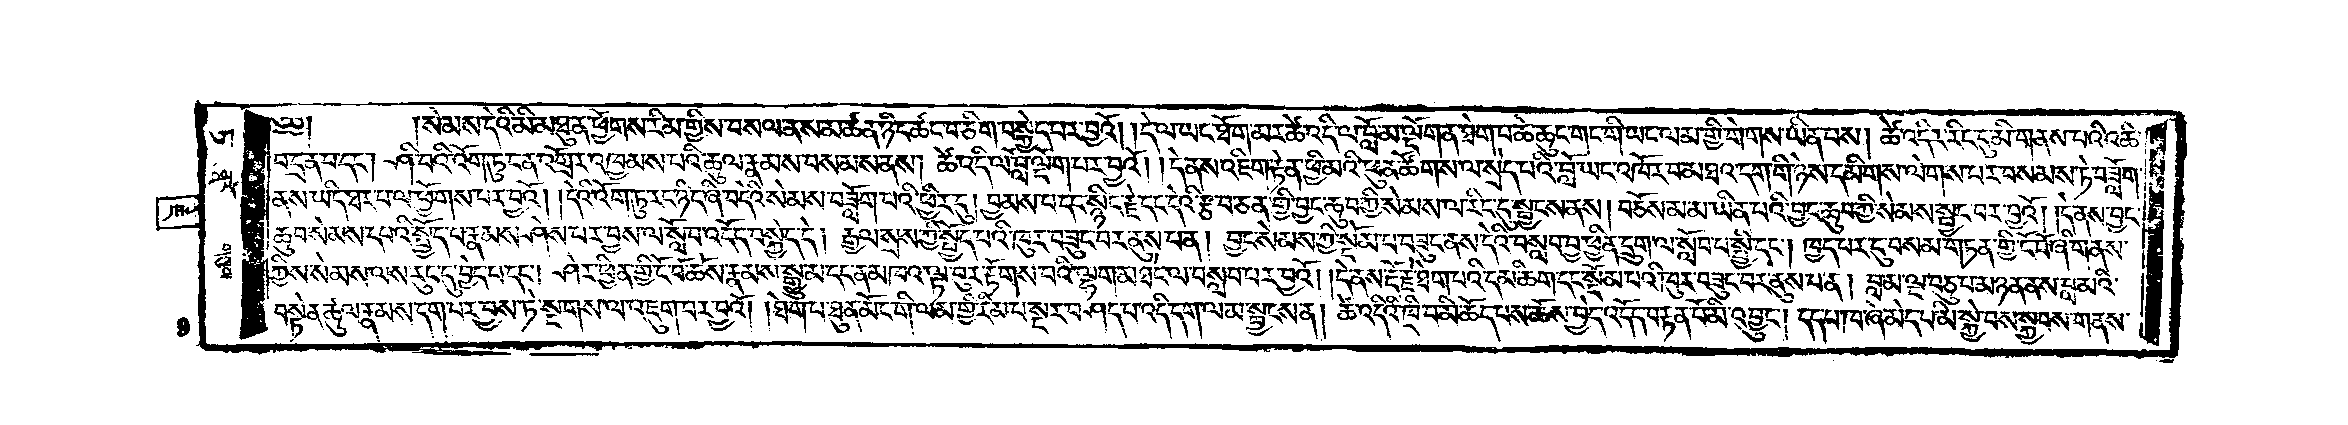༄༅། །སེམས་དེའི་མི་མཐུན་ཕྱོགས་རིམ་གྱིས་བསལ་ནས་མཚན་ཉིད་ཚང་བ་ཅིག་བསྐྱེད་པར་བྱའོ། །དེ་ལ་ཡང་ཐོག་མར་ཚེ་འདི་ལ་བློ་མ་ལྡོག་ན་ཐེག་པ་ཆེ་ཆུང་གང་གི་ཡང་ལམ་གྱི་གེགས་ཡིན་པས། ཚེ་འདིར་རིང་དུ་མི་གནས་པའི་འཆི་
བ་དྲན་པ་དང་། ཤི་བའི་འོག་ཏུ་ངན་འགྲོར་འཁྱམས་པའི་ཚུལ་རྣམས་བསམས་ནས། ཚེ་འདི་ལ་བློ་ལྡོག་པར་བྱའོ། །དེ་ནས་འཇིག་རྟེན་ཕྱི་མའི་ཕུན་ཚོགས་ལ་སྲེད་པའི་བློ་ཡང་འཁོར་བ་མཐའ་དག་གི་ཉེས་དམིགས་ལེགས་པར་བསམས་ཏེ་བཟློག་
ནས་ཡིད་ཐར་པ་ལ་ཕྱོགས་པར་བྱའོ། །དེའི་འོག་ཏུ་རང་ཉིད་ཞི་བདེའི་སེམས་བཟློག་པའི་ཕྱིར་དུ། བྱམས་པ་དང་སྙིང་རྗེ་དང་དེའི་རྩ་བ་ཅན་གྱི་བྱང་ཆུབ་ཀྱི་སེམས་ལ་རིང་དུ་སྦྱངས་ནས། བཅོས་མ་མ་ཡིན་པའི་བྱང་ཆུབ་ཀྱི་སེམས་སྦྱང་བར་བྱའོ། །དེ་ནས་བྱང་
ཆུབ་སེམས་དཔའི་སྤྱོད་པ་རྣམས་ཤེས་པར་བྱས་ལ་སློབ་འདོད་བསྐྱེད་དེ། རྒྱལ་སྲས་ཀྱི་སྤྱོད་པའི་ཁུར་བཟུང་བར་ནུས་པ་ན། བྱང་སེམས་ཀྱི་སྡོམ་པ་བཟུང་ནས་དེའི་བསླབ་བྱ་ཕྱིན་དྲུག་ལ་སློབ་པ་སྤྱི་དང་། ཁྱད་པར་དུ་བསམ་གཏན་གྱི་ངོ་བོ་ཞི་གནས་
ཀྱིས་སེམས་ལས་རུང་དུ་བྱེད་པ་དང་། ཤེར་ཕྱིན་གྱི་ངོ་བོ་ཆོས་རྣམས་སྒྱུ་མ་དང་ནམ་མཁའ་ལྟ་བུར་རྟོགས་པའི་ལྷག་མཐེང་ལ་བསླབ་པར་བྱའོ། །དེ་ནས་རྡོ་རྗེ་ཐེག་པའི་དམ་ཚིག་དང་སྡོམ་པའི་ཁུར་བཟུང་བར་ནུས་པ་ན། བླ་མ་ལྔ་བཅུ་པ་མཉན་ནས་བླ་མའི་
བསྟེན་ཚུལ་རྣམས་དག་པར་བྱས་ཏེ་སྔགས་ལ་འཇུག་པར་བྱའོ། །ཐེག་པ་ཐུན་མོང་གི་ལམ་གྱི་རིམ་པ་སྔར་བཤད་པ་འདི་དག་ལ་མ་སྦྱངས་ན། ཚེ་འདིའི་ཁྲི་བ་མི་ཆོད་པས་ཆོས་བྱེད་འདོད་བརྟན་པོ་མི་འབྱུང་། དད་པ་ཁ་ཞེ་མེད་པ་མི་སྐྱེ་བས་སྐྱབས་གནས་